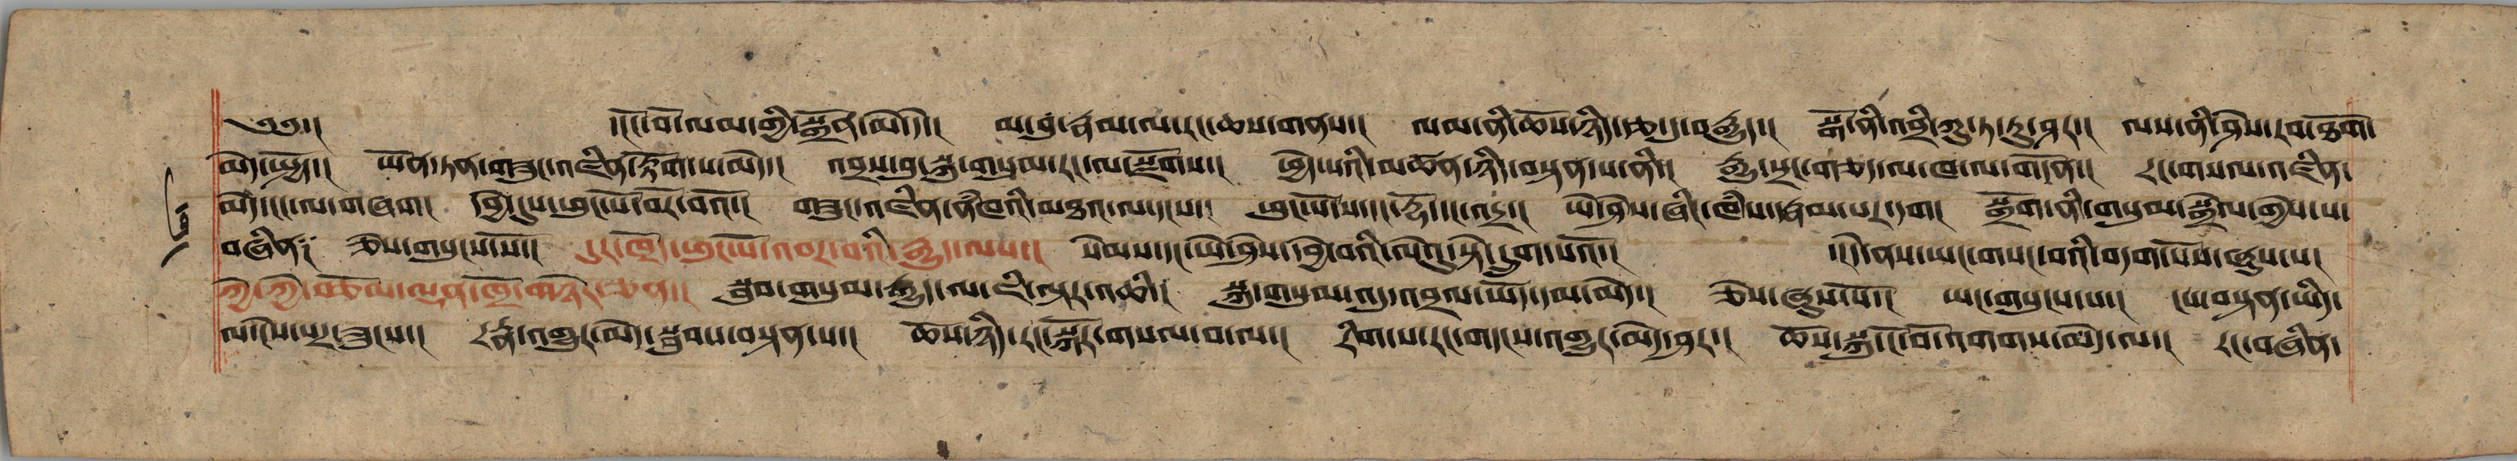༄༅་། ་།ངོ་བོ་ལམ་གྱི་སྒྲོན་མེ་དེ་། མ་བུ་རྣམ་ལ་རང་ཆས་གནས་། ལམ་ནི་ཆོས་ཉིད་རྩ་དུ་བརྒྱུད་། སྒོ་ནི་འབྲི་ཀུ་ཏ་རུ་ཤར་། ལས་ནི་ཤེས་རབ་ཐོག་
མེད་སྤྱོད་། ཡོན་ཏན་གཟུང་འཛིན་རྟོག་པ་མེད་། འབྲས་བུ་སྐུ་གསུམ་རང་ལ་སྫོགས་། ཕྱེད་པའི་མཚན་ཉིད་བསྟན་པ་ནི་། རྒྱུ་སྲང་གཅད་ལ་ཁ་ལ་གདོན་། རང་གསལ་འཛིན་
མེད་ངང་ལ་གཞག། དབྱེ་དུས་ཕུང་པོ་བོར་བའོ་། གཟུང་འཛིན་ནཾཁའི་མཐའ་ལ་དངས་། ཕུང་པོ་ས་དང་དྷོ་དང་འདྲ་། ཡེ་ཤེས་ཞིང་ཁཾས་རྣམ་པར་དག། སྒྲོག་ནི་གསུམ་སྒྲེལ་གྱེས་པ་
བཞིན༑ ཅེས་གསུངས་སོ་། དུར་ཁྲོད་ཕུང་པོ་འབར་བའི་རྒྱུད་ལས་། སེམས་དང་ཡེ་ཤེས་དབྱེ་བའི་ལེའུ་སྟེ་དྲུག་པའོ་། ་།དེ་ནས་ཡང་གསང་བའི་བདག་པོས་ཞུས་པ།
ཀྱེ་ཀྱེ་བཅོམ་ལྡན་ཁྲོ་གཉེར་ཅན་། སྦུབ་གསུམ་རྒྱུད་ལ་ཇི་ལྟར་འཆི་། སྐུ་གསུམ་འདུ་འབྲལ་ཡོད་དམ་མེད་། ཅེས་ཞུས་སོ་། ཡང་གསུངས་པ་། ངས་བསྟན་ཡིད་
ལ་ངེས་པར་ཟུངས་། རཏྣ་འགྱུར་མེད་སྦུབས་བསྟན་པ་། ཆོས་ཉིད་རང་སྐོར་གསལ་བ་ལ་། རིག་པ་རང་གདངས་འགྱུར་མེད་ཤར་། ཆོས་སྐུ་ངོ་བོ་འགགས་མེད་ལ་། རང་བཞིན་